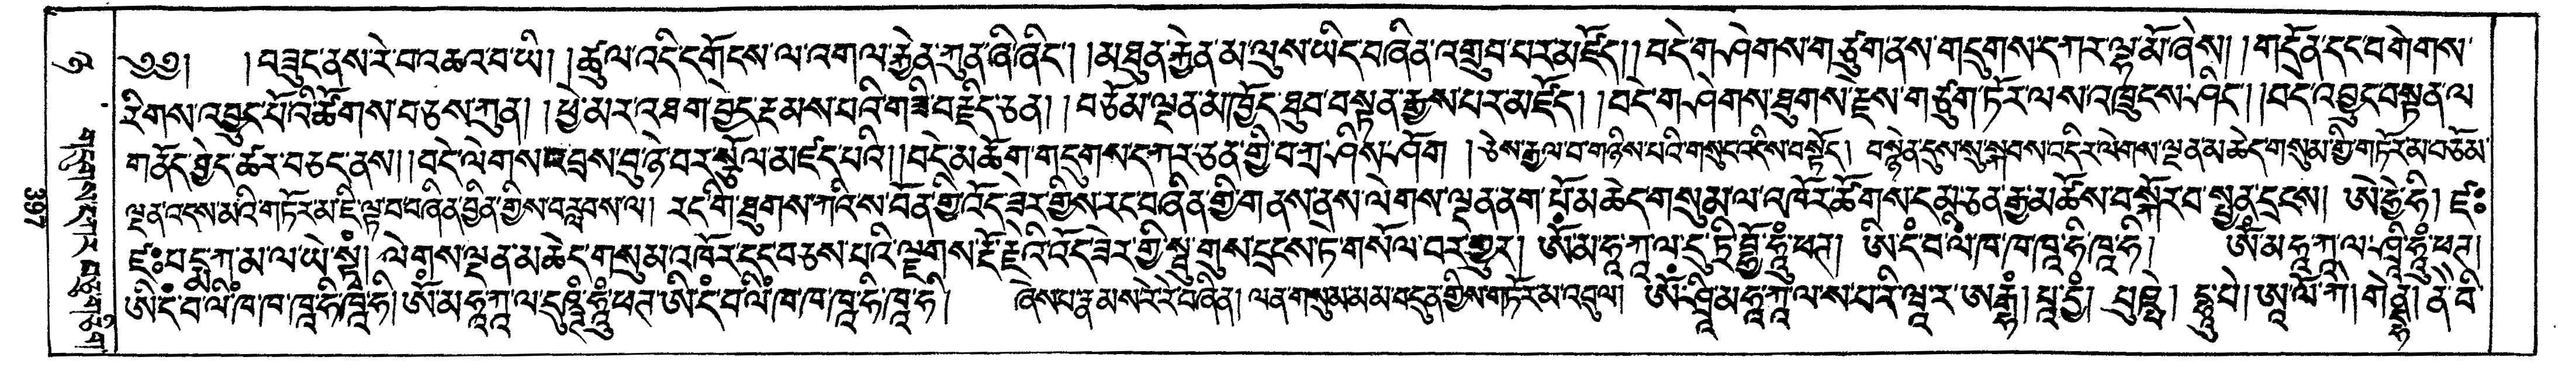༄༅། །བཟུང་ནས་རེ་བ་འཆའ་བ་ཡི། །ཚུལ་འདི་དགོངས་ལ་འགལ་རྐྱེན་ཀུན་ཞི་ཞིང་། །མཐུན་རྐྱེན་མ་ལུས་ཡིད་བཞིན་འགྲུབ་པར་མཛོད། །བདེ་གཤེགས་གཙུགས་ནས་གདུགས་དཀར་ལྷ་མོ་ཞེས། །གདོན་དང་བགེགས་
རིགས་འབྱུང་པོའི་ཚོགས་བཅས་ཀུན། །ཕྱེ་མར་འཐག་བྱེད་རྔམས་པའི་གཟི་བརྗིད་ཅན། །བཅོམ་ལྡན་མ་ཁྱོད་ཐུབ་བསྟན་རྒྱས་པར་མཛོད། །བདེ་གཤེགས་ཐུགས་རྗེས་གཙུག་ཏོར་ལས་འཁྲུངས་ཤིང་། །བདེ་འབྱུང་བསྟན་ལ་
གནོད་བྱེད་ཚར་བཅད་ནས། །བདེ་ལེགས་འབྲས་བུ་ཉེ་བར་སྩོལ་མཛད་པའི། །བདེ་མཆོག་གདུགས་དཀར་ཅན་གྱི་བཀྲ་ཤིས་ཤོག །ཅེས་རྒྱལ་བ་གཉིས་པའི་གསུང་འདིས་བསྟོད། བསྙེན་དུས་སུ་སྐབས་འདིར་ལེགས་ལྡན་མཆེད་གསུམ་གྱི་གཏོར་མ་བཅོམ་
ལྡན་འདས་མའི་གཏོར་མ་ཇི་ལྟ་བ་བཞིན་བྱིན་གྱིས་བརླབས་ལ། རང་གི་ཐུགས་ཀའི་ས་བོན་གྱི་འོད་ཟེར་གྱིས་རང་བཞིང་ཡི་གནས་ནས་ལེགས་ལྡན་ནག་པོ་མཆེད་གསུམ་ལ་འཁོར་ཚོགས་དམ་ཅན་རྒྱ་མཚོས་བསྐོར་བ་སྤྱན་དྲངས། ཨེ་ཧྱེ་ཧི། ཛཿ
ཛཿ པདམ་ཀུ་མ་ལ་ཡེ་སྟྭཾ། ལེགས་ལྡན་མཆེད་གསུམ་འཁོར་དང་བཅས་པའི་ལྗགས་རྡོ་རྗེའི་འོད་ཟེར་གྱི་སྤུ་གུས་དྲངས་ཏེ་གསོལ་བར་གྱུར། ཨོཾ་མཐ་ཀཱ་ལ་དུ་ཏྲི་བྷྱོ་ཧཱུཾ་ཕཊ། ཨི་དཾ་བ་ལིཾ་ཁ་ཁ་ཁཱ་ཧི་ཁཱ་ཧི། ཨོཾ་མཧཱ་ཀཱ་ལ་ཤྲཱི་ཧཱུཾ་ཕཊ།
ཨི་དཾ་བ་ལིཾ་ཁ་ཁ་ཁཱ་ཧི་ཁཱ་ཧི། ཨོཾ་མཧཱ་ཀཱ་ལ་དུཥྚཾ་ཧཱུཾ་ཕཌ་སི་དཾ་པི་ལཾ་ཁ་ཁ་ཁཱ་ཧི་ཁཱ་ཧི། ཞེས་པ་རྣམས་རེ་རེ་བཞིན། ལན་གསུམ་མམ་བདུན་གྱིས་གཏོར་མ་འབུལ། ཨོཾ་ཤྲཱི་མཧཱ་ཀཱ་ལ་ས་པ་རི་ཝཱ་ར་ཨརྒྷཾ། པཱ་དྱཾ། པུཥྤེ། དྷཱུ་པེ། ཨཱ་ལོ་ཀེ། གནྡྷ། ནཻ་བི་